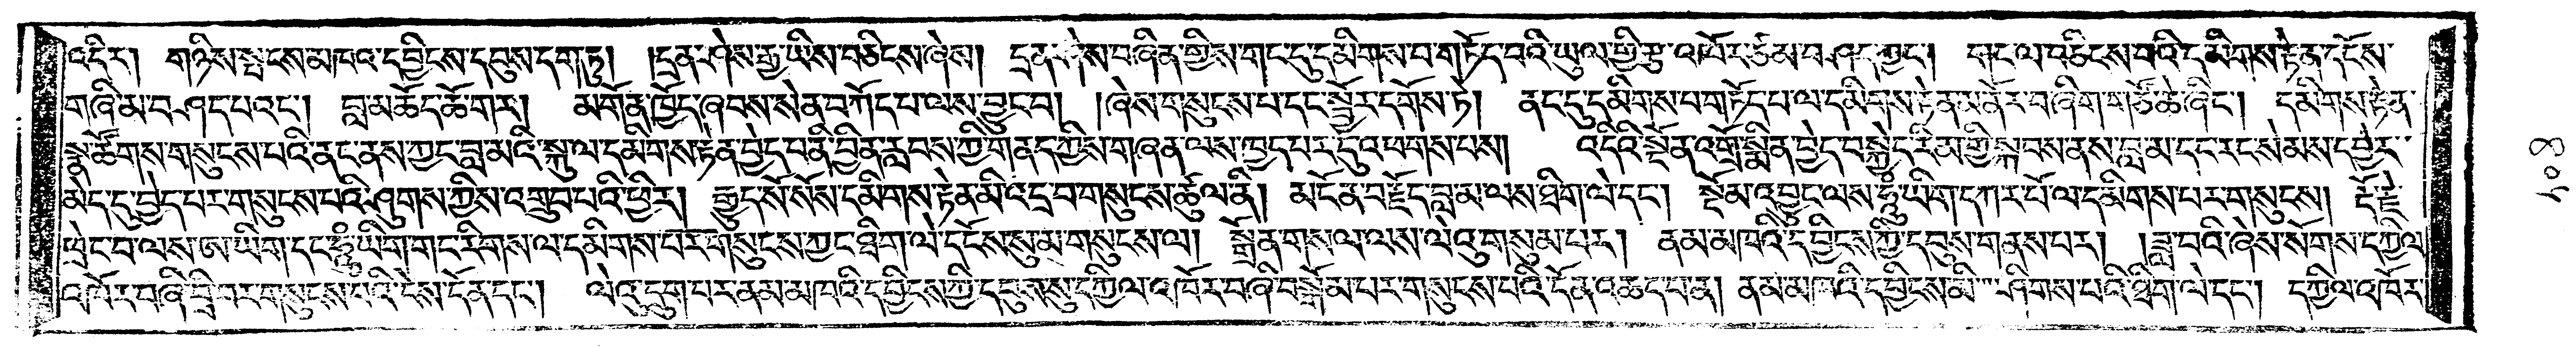འདིར། གཉིས་སྤངས་མཁའ་དབྱིངས་དབུས་དག་ཏུ། །དྲན་ཤེས་རྒྱ་ཡིས་བཅིངས་ཞེས། དྲན་ཤེས་བཞིན་གྱིས་གང་དུ་དམིགས་པ་གཏོད་པའི་ཡུལ་གྱི་རྩ་འཁོར་ཙམ་བཤད་ཀྱང་། གང་ལ་བཅིངས་བའི་དམིགས་རྟེན་དངོས་
གཞི་མ་བཤད་པའང་། བླ་མཆོད་ཆོ་གར། མགོན་ཁྱོད་ཞབས་སེན་བཀོད་པ་ལས་བྱུང་བ། །ཞེས་གསུངས་པ་དང་སྦྱོར་དགོས་ཏེ། ནང་དུ་དམིགས་པ་གཏོད་པ་ལ་དམིགས་རྟེན་མ་ནོར་བཞིག་གཙོ་ཆེ་ཞིང་། དམིགས་རྟེན་
སྣ་ཚོགས་གསུངས་པའི་ནང་ནས་ཀྱང་བླ་མའི་སྐུ་ལ་དམིགས་རྟེན་བྱེད་པ་ནི་བྱིན་རླབས་ཀྱི་གནད་ཀྱིས་གཞན་ལས་ཁྱད་པར་དུ་འཕགས་པས། འདིའི་སྔོན་འགྲོ་སྨིན་བྱེད་བསྐྱེད་རིམ་གྱི་སྐབས་ནས་བླ་མ་དང་རང་སེམས་དབྱེར་
མེད་དུ་བྱེད་པར་གསུངས་པའི་ཤུགས་ཀྱིས་འགྲུབ་པའི་ཕྱིར། རྒྱུད་སོ་སོས་དམིགས་རྟེན་མི་འདྲ་བ་གསུངས་ཚུལ་ནི། མངོན་བརྗོད་བླ་མ་ལས་ཐིག་ལེ་དང་། སྔོམ་འབྱུང་ལས་ཧཱུཾ་ཡིག་དཀར་པོ་ལ་དམིགས་པར་གསུངས། རྡོ་རྗེ་
ཕྲེང་བ་ལས་ཨ་ཡིག་དང་ཧཱུཾ་ཡིག་གང་རིགས་ལ་དམིགས་པར་གསུངས་ཀྱང་ཐིག་ལེ་དངོས་སུ་མ་གསུངས་ལ། སྒྲོན་གསལ་ལས་ལེའུ་གསུམ་པར། ནམ་མཁའི་དབྱིངས་ཀྱི་དབུས་གནས་བར། །ཟླ་བའི་ཞེས་སོགས་དཀྱིལ་
འཁོར་བཞི་བྲི་བར་གསུངས་པའི་ངེས་དོན་དང་། ལེའུ་དྲུག་པར་ནམ་མཁའི་དབྱིངས་ཀྱི་དབུས་སུ་དཀྱིལ་འཁོར་བཞི་བསྒོམ་པར་གསུངས་པའི་དོན་འཆད་པ་ན། ནམ་མཁའི་དབྱིངས་མི་ཤིགས་པའི་ཐིག་ལེ་ཨུདང་། ལྡྐྱིལ་འཁོར་